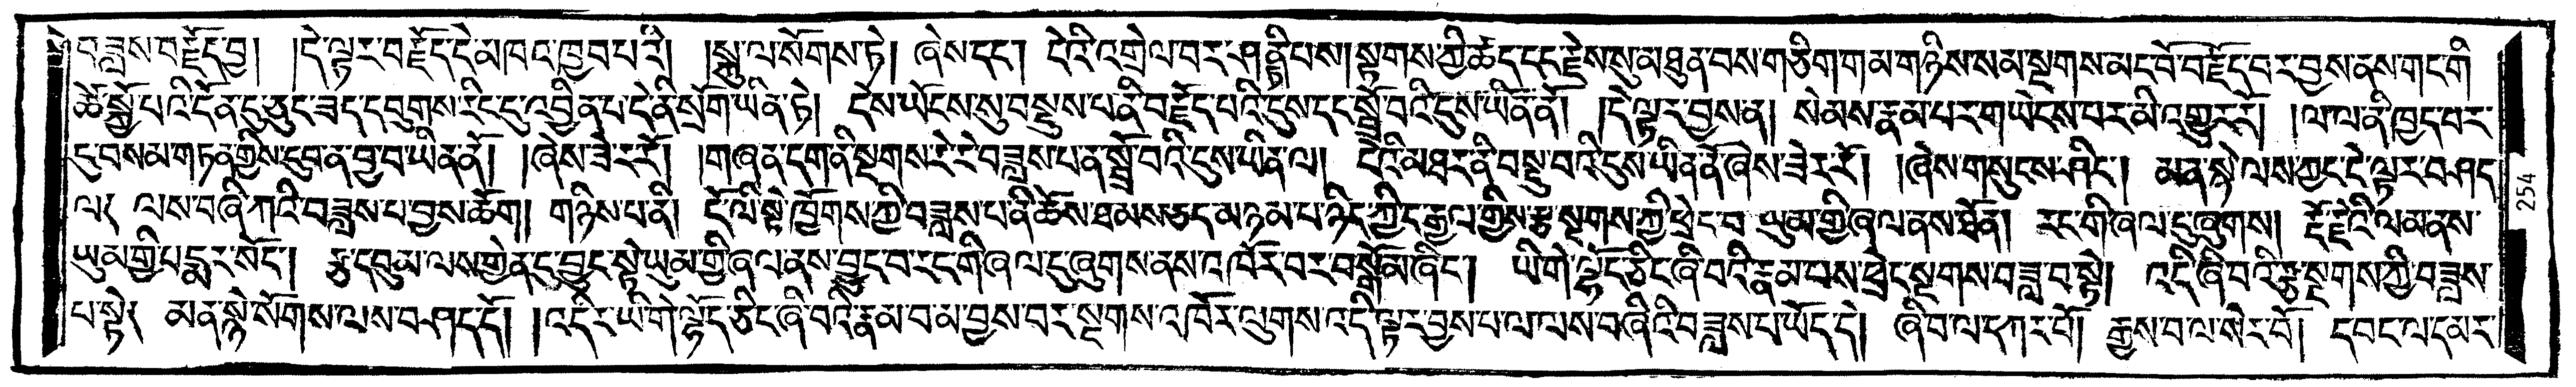བཟླས་བརྗོད་བྱ། །དེ་ལྟར་བརྗོད་དེ་མཁའ་ཁྱབ་པའི། །སྐུ་ལ་སོགས་ཏེ། ཞེས་དང་། དེའི་འགྲེལ་བར་ཤནྟི་པས། སྟགས་ཀྱི་ཚད་དང་རྗེས་སུ་མཐུན་བས་གཅིག་གམ་གཉིས་སམ་སྔགས་མང་བོ་བརྗོད་པར་བྱས་ནས་གང་གི་
ཚེ་སྐྱོ་པའི་དོན་དུ་ཅུང་ཟད་དབུགས་རིང་དུ་འབྱིན་པ་དེ་ནི་སྲོག་ཡིན་ཏེ། དེས་ཡོངས་སུ་བསྡུས་པ་ནི་བརྗོད་པའི་དུས་དང་སྤྲོ་བའི་དུས་ཡིན་ནོ། །དེ་ལྟར་བྱས་ན། སེམས་རྣམ་པར་གཡེངས་པར་མི་འགྱུར་རོ། །ལ་ལ་ནི་ཁྱད་པར་
དུ་བསམ་གཏན་གྱིས་དུབ་ན་བྱ་བ་ཡིན་ནོ། །ཞེས་ཟེར་རོ། །གཞན་དག་ནི་སྔགས་རེ་རེ་བཟླས་པ་ན་སྤྲོ་བའི་དུས་ཡིན་ལ། དེའི་མཐར་ནི་བསྡུ་བའི་དུས་ཡིན་ནོ་ཞེས་ཟེར་རོ། །ཞེས་གསུངས་ཤིང་། མན་སྙེ་ལས་ཀྱང་དེ་ལྟར་བཤད་
ལ༑ ལས་བཞི་ཀའི་བཟླས་པ་བྱས་ཆོག། གཉིས་པ་ནི། དོ་ལི་སྟེ་ཁྱོགས་ཀྱི་བཟླས་པ་ནི་ཆོས་ཐམས་ཅད་མཉམ་པ་ཉིད་ཀྱི་ང་རྒྱལ་གྱིས་རྩ་སྔགས་ཀྱི་ཕྲེང་བ་ཡུམ་གྱི་ཞལ་ནས་ཐོན། རང་གི་ཞལ་དུ་ཞུགས། རྡོ་རྗེའི་ལམ་ནས་
ཡུམ་གྱི་པདམར་སོང་། རྩ་དབུམ་ལས་གྱེན་དུ་བྱུང་སྟེ་ཡུམ་གྱི་ཞལ་ནས་བྱུང་བ་རང་གི་ཞལ་དུ་ཞུགས་ནས་འཁོར་བར་བསྒོམ་ཞིང་། ཡི་གེ་ལྷོད་ཅིང་ཞི་བའི་རྣམ་པས་ཕྲེང་སྔགས་བཟླ་བ་སྟེ། འདི་ཞི་བའི་རྩ་སྔགས་ཀྱི་བཟླས་
པ་སྟེ༑ མན་སྙེ་སོགས་ལས་བཤད་དོ། །འདིར་ཡི་གེ་ལྷོད་ཅིང་ཞི་བའི་རྣམ་པ་མ་བྱས་བར་སྔགས་འཁོར་ལུགས་འདི་ལྟར་བྱས་པ་ལ་ལས་བཞིའི་བཟླས་པ་ཡོད་དེ། ཞི་བ་ལ་དཀར་པོ། རྒྱས་བ་ལ་སེར་བོ། དབང་ལ་དམར་